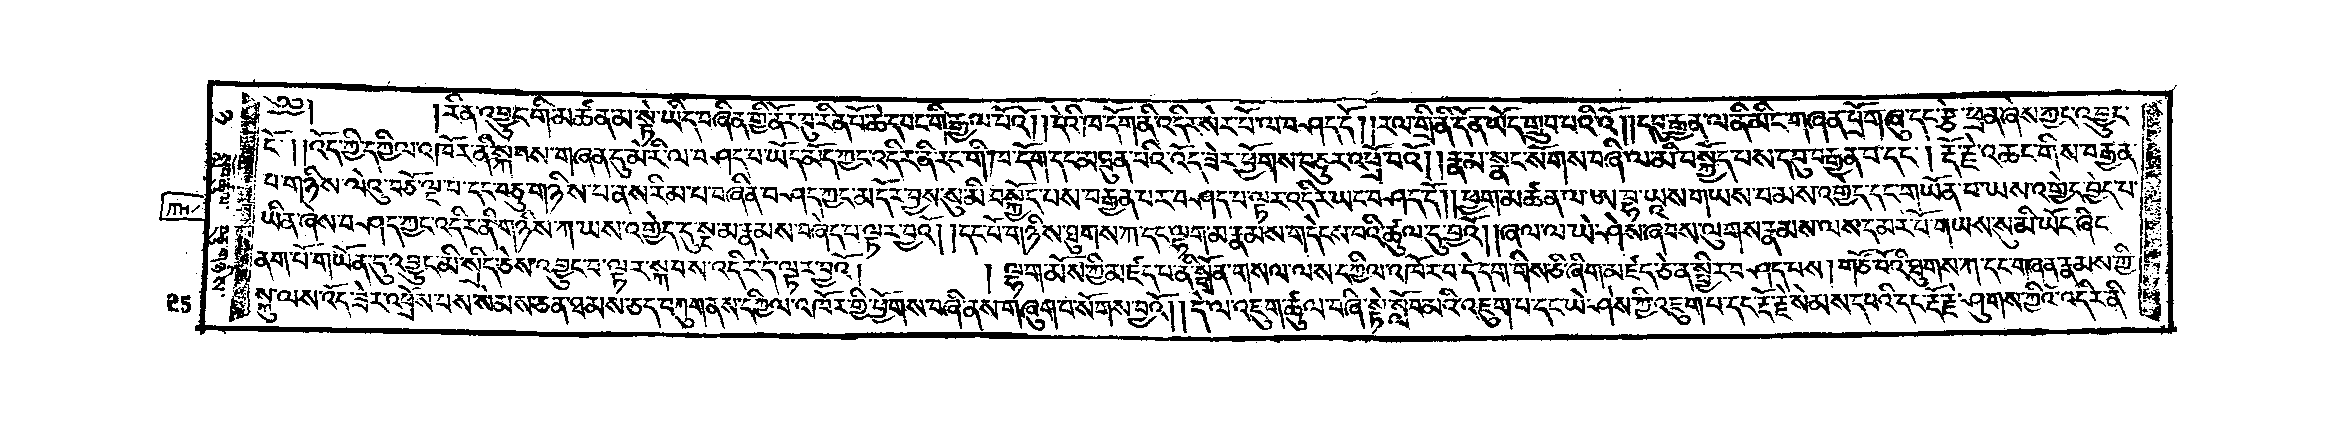༄༅། །རིན་འབྱུང་གི་མཚན་མ་སྟེ་ཡིད་བཞིན་གྱི་ནོར་བུ་རིན་པོ་ཆེ་དབང་གི་རྒྱལ་པོའོ། །དེའི་ཁ་དོག་ནི་འདིར་སེར་པོ་ལ་བཤད་དོ། །རལ་གྲི་ནི་དོན་ཡོད་གྲུབ་པའི་འོ། །དབུ་རྒྱན་ལ་ནི་མིང་གཞན་ཕྲོག་?་ཞུ་དང་རྩེ་ཕྲན་ཞེས་ཀྱང་འབྱུང་
ངོ༑ ༑འོད་ཀྱི་དཀྱིལ་འཁོར་ནི་སྐབས་གཞན་དུ་མེ་རི་ལ་བཤད་པ་ཡོད་མོད་ཀྱང་འདིར་ནི་རང་གི་ཁ་དོག་དང་མཐུན་པའི་འོད་ཟེར་ཕྱོགས་བཅུར་འཕྲོ་བའོ། །རྣམ་སྣང་སོགས་བཞི་ལ་མི་བསྐྱོད་པས་དབུ་བརྒྱན་པ་དང་། རྡོ་རྗེ་འཆང་གིས་བརྒྱན་
པ་གཉིས་ལེའུ་བཅོ་ལྔ་པ་དང་བཅུ་གཉིས་པ་ནས་རིམ་པ་བཞིན་བཤད་ཀྱང་མདོར་བྱས་སུ་མི་བསྐྱོད་པས་བརྒྱན་པར་བཤད་པ་ལྟར་འདིར་ཡང་བཤད་དོ། །ཕྱག་མཚན་ལ་ཨ་བྷ་ཡཱས་གཡས་པ་མས་འགྱེད་དང་གཡོན་པ་ཡས་འགྱེད་བྱེད་པ་
ཡིན་ཞེས་བཤད་ཀྱང་འདིར་ནི་གཉིས་ཀ་ཡས་འགྱེད་དུ་སྔ་མ་རྣམས་བཞེད་པ་ལྟར་བྱའོ། །དང་པོ་གཉིས་ཐུགས་ཀ་དང་ལྷག་མ་རྣམས་གདེངས་པའི་ཚུལ་དུ་བྱའོ། །ཞལ་ལ་ཡེ་ཤེས་ཞབས་ལུགས་རྣམས་ལས་དམར་པོ་གཡས་སུ་མི་ཡོང་ཞིང་
ནག་པོ་གཡོན་དུ་འབྱུང་མི་སྲིད་ཅེས་འབྱུང་བ་ལྟར་སྐབས་འདིར་དེ་ལྟར་བྱའོ། །ལྷག་མོས་ཀྱི་མཛད་པ་ནི་སྒྲོན་གསལ་ལས་དཀྱིལ་འཁོར་པ་དེ་དག་གིས་ཅི་ཞིག་མཛད་ཅེ་ན་སྤྱིར་བཤད་པས། གཙོ་བོའི་ཐུགས་ཀ་དང་གཞན་རྣམས་ཀྱི་
སྐུ་ལས་འོད་ཟེར་འཕྲོས་པས་སེམས་ཅན་ཐམས་ཅད་བཀུག་ནས་དཀྱིལ་འཁོར་གྱི་ཕྱོགས་བཞི་ནས་གཞུག་བ་སོགས་བྱའོ། །དེ་ལ་འཇུག་ཚུལ་བཞི་སྟེ་སློབ་མའི་འཇུག་པ་དང་ཡེ་ཤེས་ཀྱི་འཇུག་པ་དང་རྡོ་རྗེ་སེམས་དཔའི་དང་རྡོ་རྗེ་ཤུགས་ཀྱིའོ་འདིར་ནི་